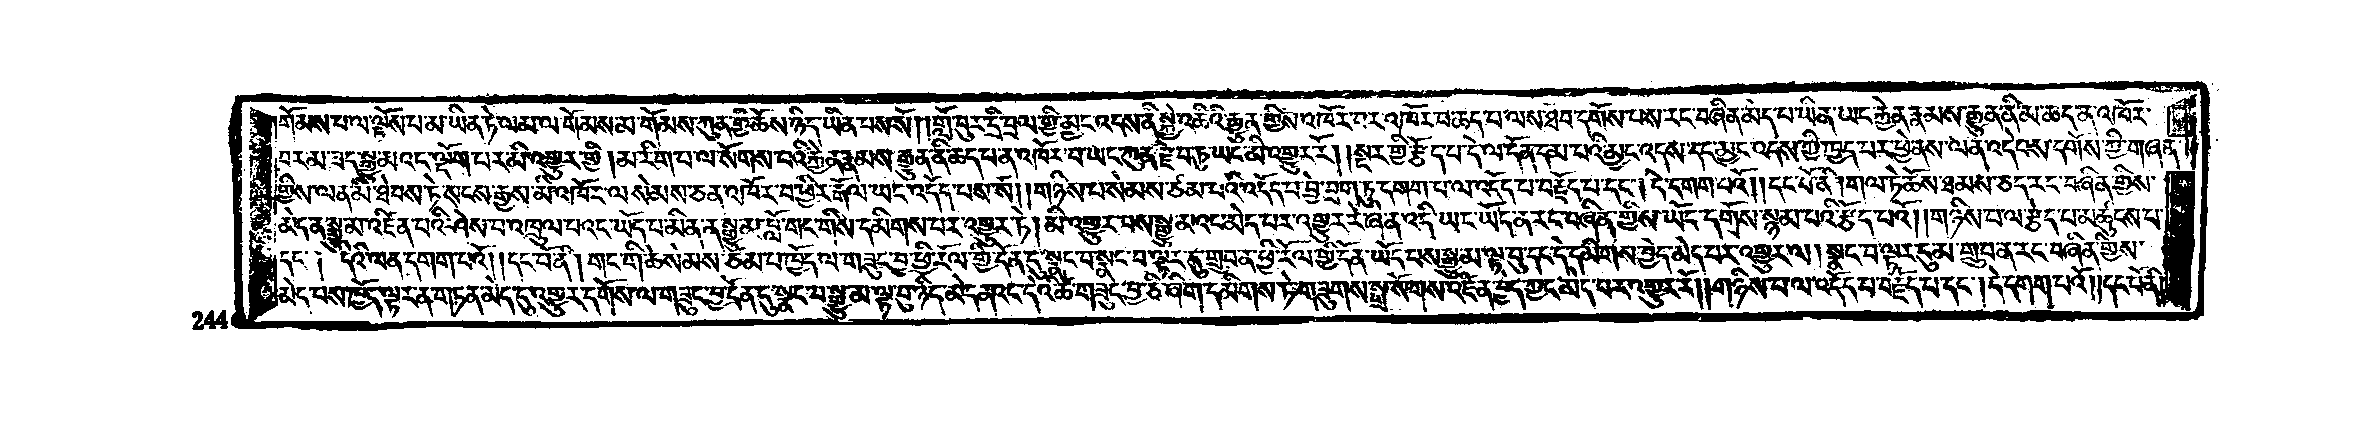གོམས་པ་ལ་ལྟོས་པ་མ་ཡིན་ཏེ་ལམ་ལ་གོམས་མ་གོམས་ཀུན་གྱི་ཆོས་ཉིད་ཡིན་པས་སོ། །གློ་བུར་དྲི་བྲལ་གྱི་མྱང་འདས་ནི་སྐྱེ་འཆིའི་རྒྱུན་གྱིས་འཁོར་བར་འཁོར་བ་ཆད་པ་ལས་ཐོབ་དགོས་པས་རང་བཞིན་མེད་པ་ཡིན་ཡང་རྐྱེན་རྣམས་རྒྱུན་ནི་མ་ཆད་ན་འཁོར་
བར་མ་ཟད་སྒྱུར་མའང་ལྡོག་པར་མི་འགྱུར་གྱི་།མ་རིག་པ་ལ་སོགས་པའི་རྐྱེན་རྣམས་རྒྱུན་ནི་ཆད་པ་ན་འཁོར་བ་ཡང་ཀུན་རྫོབ་ཏུ་ཡང་མི་འགྱུར་རོ། །སྔར་གྱི་རྩོད་པ་དེ་ལ་དོན་དམ་པའི་མྱང་འདས་མྱང་འདས་ཀྱི་ཁྱད་པར་ཕྱེ་ནས་ལན་འདེབས་དགོས་ཀྱི་གཞན་
གྱིས་ལན་མི་ཐེབས་ཏེ་སངས་རྒྱས་མི་འཁོར་ལ་སེམས་ཅན་འཁོར་བ་ཕྱིར་རྒོལ་ཡང་འདོད་པས་སོ། །གཉིས་པ་སེམས་ཙམ་པའི་འདོད་པ་བྱེ་བྲག་ཏུ་དགག་པ་ལ་འདོད་པ་བརྗོད་པ་དང་། དེ་དགག་པའོ། །དང་པོ་ནི། གལ་ཏེ་ཆོས་ཐམས་ཅད་རང་བཞིན་གྱིས་
མེད་ན་སྒྱུ་མ་འཛིན་པའི་ཤེས་པ་འཁྲུལ་པའང་ཡོད་པ་མིན་ན་སྒྱུ་མ་བློ་གང་གིས་དམིགས་པར་འགྱུར་ཏེ། མི་འགྱུར་བས་སྒྱུ་མའང་མེད་པར་འགྱུར་རེ་ཞི་ན་འདི་ཡང་ཡོད་ན་རང་བཞིན་གྱིས་ཡོད་དགོས་སྙམ་པའི་རྩོད་པའོ། །གཉིས་པ་ལ་རྩེད་པ་མཚུངས་པ་
དང༑ དེའི་ལན་དགག་པའོ། །དང་པོ་ནི། གང་གི་ཆེ་སེམས་ཙམ་པ་ཁྱོད་ལ་གཟུང་བྱ་ཕྱི་རོལ་གྱི་དོན་དུ་སྣང་བ་སྣང་བ་ལྟར་དུ་གྲུབ་ན་ཕྱིར་རོལ་གྱི་དོན་ཡོད་པས་སྒྱུ་མ་ལྟ་བུ་དང་དེ་དམིགས་བྱེད་མེད་པར་འགྱུར་ལ། སྣང་བ་ལྟར་དུ་མ་གྲུབ་ན་རང་བཞིན་གྱིས་
མེད་པས་ཁྱོད་ལྟར་ན་གཏན་མེད་དུ་འགྱུར་དགོས་ལ་གཟུང་བྱ་དོན་དུ་སྣང་བ་སྒྱུ་མ་ལྟ་བུ་ཉིད་མེད་ནའང་དེའི་ཚེ་གཟུང་བྱ་ཅི་ཞིག་དམིགས་ཏེ་གཟུགས་སྒྲ་སོགས་འཛིན་བྱེད་ཀྱང་མེད་པར་འགྱུར་རོ། །གཉིས་པ་ལ་འདོད་པ་བརྗོད་པ་དང་། དེ་དགག་པའོ། །དང་པོ་ནི།